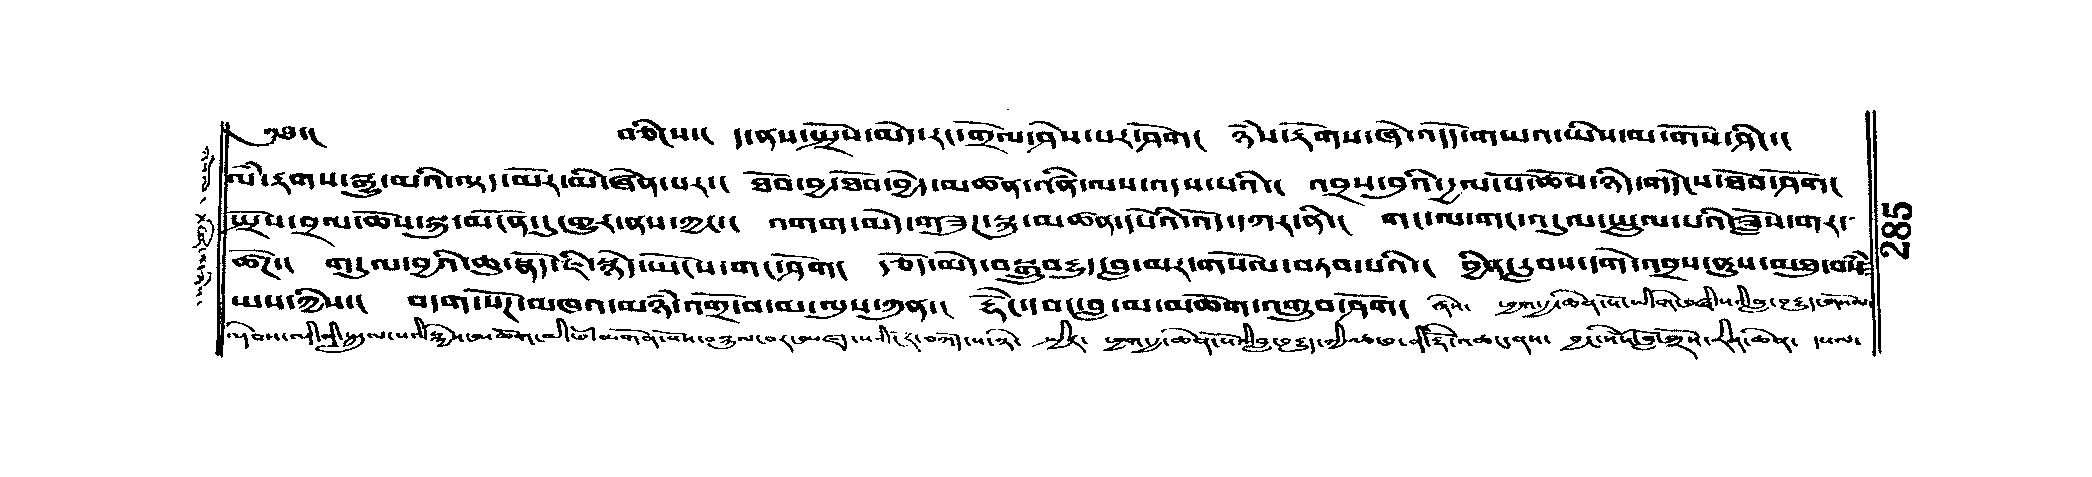བཅིངས། །ད་ནས་སྤྲོས་མེད་རང་གྲོལ་ཤེས་པར་ཤོག །ཉམས་རྟོགས་ཞེ་འདོད་གཡའ་ཡིས་མ་གོས་ཤིང་། །
ལམ་རྟགས་སྒྱུ་མའི་ལྟད་མོར་མི་ཞེན་པར།་།ཐོབ་བྱ་ཐོབ་བྱེད་མཚན་འཛིན་ལས་འདས་པའི། །འབྲས་བུའི་རྒྱལ་པོ་ཆོས་ཉིད་གདེངས་ཐོབ་ཤོག །
སྤྲོས་བྲལ་ཆོས་སྐུ་མངོན་དུ་གྱུར་ནས་ཀྱང་། །འགག་མེད་གཟུགས་སྐུ་མཚན་དཔེའི་འོད་དཀར་ནི། །གང་ལ་གང་འདུལ་སྤྲུལ་པའི་ཟློས་གར་
ཚོགས། །གདུལ་བྱའི་ཆུ་སྣོད་ཇི་སྙེད་ཡོངས་གང་ཤོག །རྩོད་མེད་བསྒྲུབ་བརྒྱུད་བླ་མར་གསོལ་བཏབ་པའི། །བྱིན་རླབས་དགེ་འབྲས་ནུས་མཐུ་བསམ་
ཡས་ཀྱིས། །བདག་སོགས་མཁའ་མཉམ་འགྲོ་བ་མ་ལུས་ཀུན། །རྡོ་རྗེ་འཆང་དབང་བླ་མ་མཆོག་འགྲུབ་ཤོག ཅེས་ཕྱག་རྒྱ་ཆེན་པོ་ཡི་གེ་བཞི་པའི་བླ་བརྒྱུད་གསོལ་
འདེབས་འདི་ནི་སྤྲུལ་པའི་སྐྱེས་མཆོག་མི་ཕམ་མགོན་པོས་བསྐུལ་བར་མཛད་པའི་ངོར་བཀོད་པ་སྟེ། སྤྱིར་ཕྱག་རྒྱ་ཆེན་པོའི་བླ་བརྒྱུད་ཀྱི་རྩ་བ་ནི་རྡོ་རྗེ་འཆང་ནས། བྱང་སེམས་བློ་གྲོས་རིན་ཆེན། དཔལ་